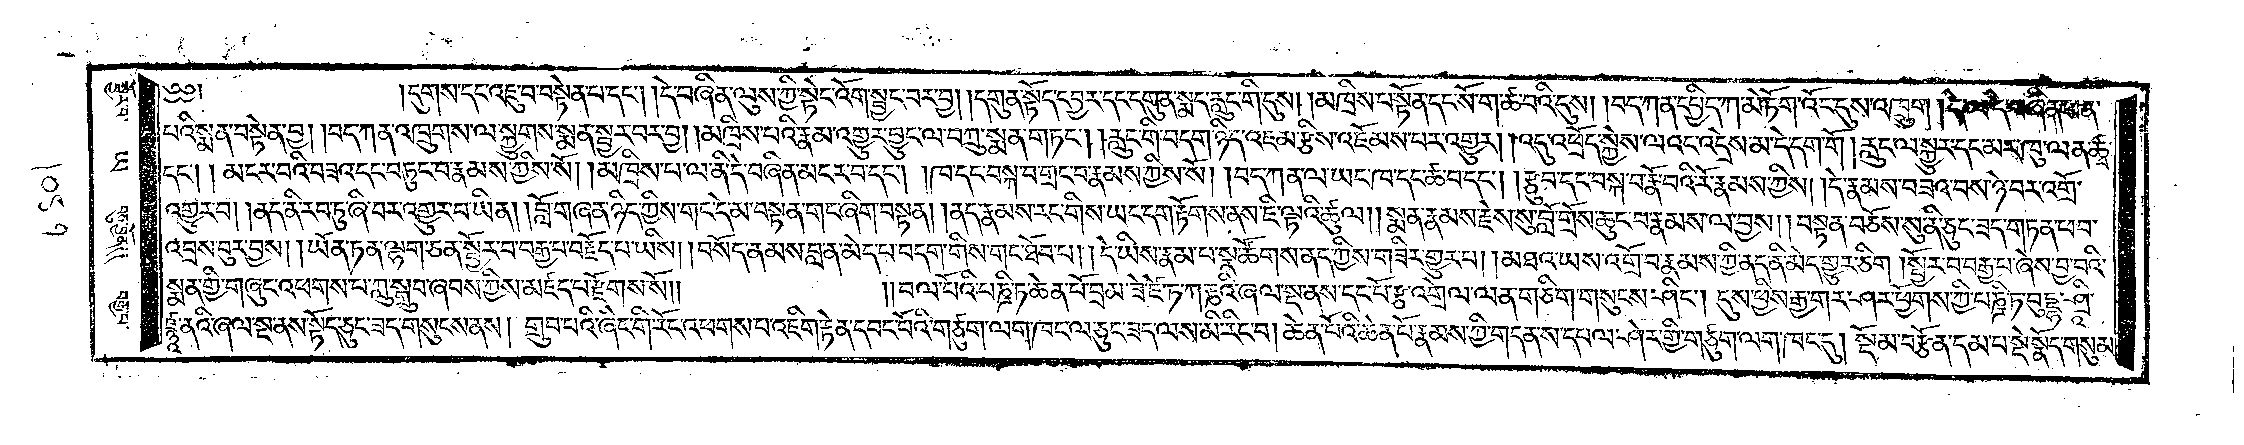༄༅། །དུགས་དང་འཇུ་བ་བསྟེན་པ་དང་། །དེ་བཞིན་ལུས་ཀྱི་སྟེང་འོག་སྦྱང་བར་བྱ། །དགུན་སྟོད་དབྱར་དང་དགུན་སྨད་རླུང་གི་དུས། །མཁྲིས་པ་སྟོན་དང་སོ་ག་ཚ་བའི་དུས། །བད་ཀན་དཔྱིད་ཀ་མེ་ཏོག་འོང་དུས་འཁྲུག །དེ་ལ་དེ་བཞིན་ཕན་
པའི་སྨན་བསྟེན་བྱ། །བད་ཀན་འཁྲུགས་ལ་སྐྱུགས་སྨན་སྦྱར་བར་བྱ། །མཁྲིས་པའི་རྣམ་འགྱུར་བྱུང་ལ་བཀྲུ་སྨན་གཏང་། །རླུང་གི་བདག་ཉིད་འཇམ་རྩིས་འཇོམས་པར་འགྱུར། །འདུ་འཕྲོད་སྐྱེས་ལའང་འདྲེས་མ་དེ་དག་གོ །རླུང་ལ་སྐྱུར་དང་མར་ཁུ་ལན་ཚྭ་
དང་། །མངར་བའི་བཟའ་དང་བཏུང་བ་རྣམས་ཀྱིས་སོ། །མཁྲིས་པ་ལ་ནི་དེ་བཞིན་མངར་བ་དང་། །ཁ་དང་བསྐ་བ་གྲང་བ་རྣམས་ཀྱིས་སོ། །བད་ཀན་ལ་ཡང་ཁ་དང་ཚ་བ་དང་། །རྩུབ་དང་བསྐ་བ་རྣོ་བའི་རོ་རྣམས་ཀྱིས། །དེ་རྣམས་བཟའ་བས་ཉེ་བར་འགྲོ་
འགྱུར་བ། །ནད་ནི་རབ་ཏུ་ཞི་བར་འགྱུར་བ་ཡིན། །བློ་གཞན་ཉིད་ཀྱིས་གང་དེ་མ་བསྟན་གང་ཞིག་བསྟན། །ནད་རྣམས་རང་གིས་ཡང་དག་རྟོགས་ནས་ཇི་ལྟའི་ཚུལ། །སྨན་རྣམས་རྗེས་སུ་བློ་གྲོས་ཆུང་བ་རྣམས་ལ་བྱས། །བསྟན་བཅོས་སུ་ནི་ཅུང་ཟད་གཏན་ཕབ་
འབྲས་བུར་བྱས། །ཡོན་ཏན་ལྷག་ཅན་སྦྱོར་བ་བརྒྱ་པ་བརྗོད་པ་ཡིས། །བསོད་ནམས་བླ་ན་མེད་པ་བདག་གིས་གང་ཐོབ་པ། །དེ་ཡིས་རྣམ་པ་སྣ་ཚོགས་ནད་ཀྱིས་གཟིར་གྱུར་པ། །མཐའ་ཡས་འགྲོ་བ་རྣམས་ཀྱི་ནད་ནི་མེད་གྱུར་ཅིག །སྦྱོར་བ་བརྒྱ་པ་ཞེས་བྱ་བའི་
སྨན་གྱི་གཞུང་འཕགས་པ་ཀླུ་སྒྲུབ་ཞབས་ཀྱིས་མཛད་པ་རྫོགས་སོ།། །།བལ་པོའི་པཎྜི་ཏ་ཆེན་པོ་བྲམ་ཟེ་ཛེ་ཏ་ཀརྞའི་ཞལ་སྡ་ནས་དང་པོ་རྩ་འགྲེལ་ལན་གཅིག་གསུངས་ཤིང་། དུས་ཕྱིས་རྒྱ་གར་ཤར་ཕྱོགས་ཀྱི་པཎྜི་ཏ་བུདྡྷ་ཤྲཱི་
ཛྙཱ་ནའི་ཞལ་སྔ་ནས་སྟོད་ཅུང་ཟད་གསུངས་ནས། གྲུབ་པའི་ཞིང་གི་རོང་འཕགས་པ་འཇིག་རྟེན་དབང་པོའི་གཙུག་ལག་ཁང་ལ་ཅུང་ཟད་ལས་མི་རིང་བ། ཆེན་པོའི་ཆེན་པོ་རྣམས་ཀྱི་གདན་ས་དཔལ་ཤེར་གྱི་གཙུག་ལག་ཁང་དུ། སྡོམ་བརྩོན་དམ་པ་སྡེ་སྣོད་གསུམ་